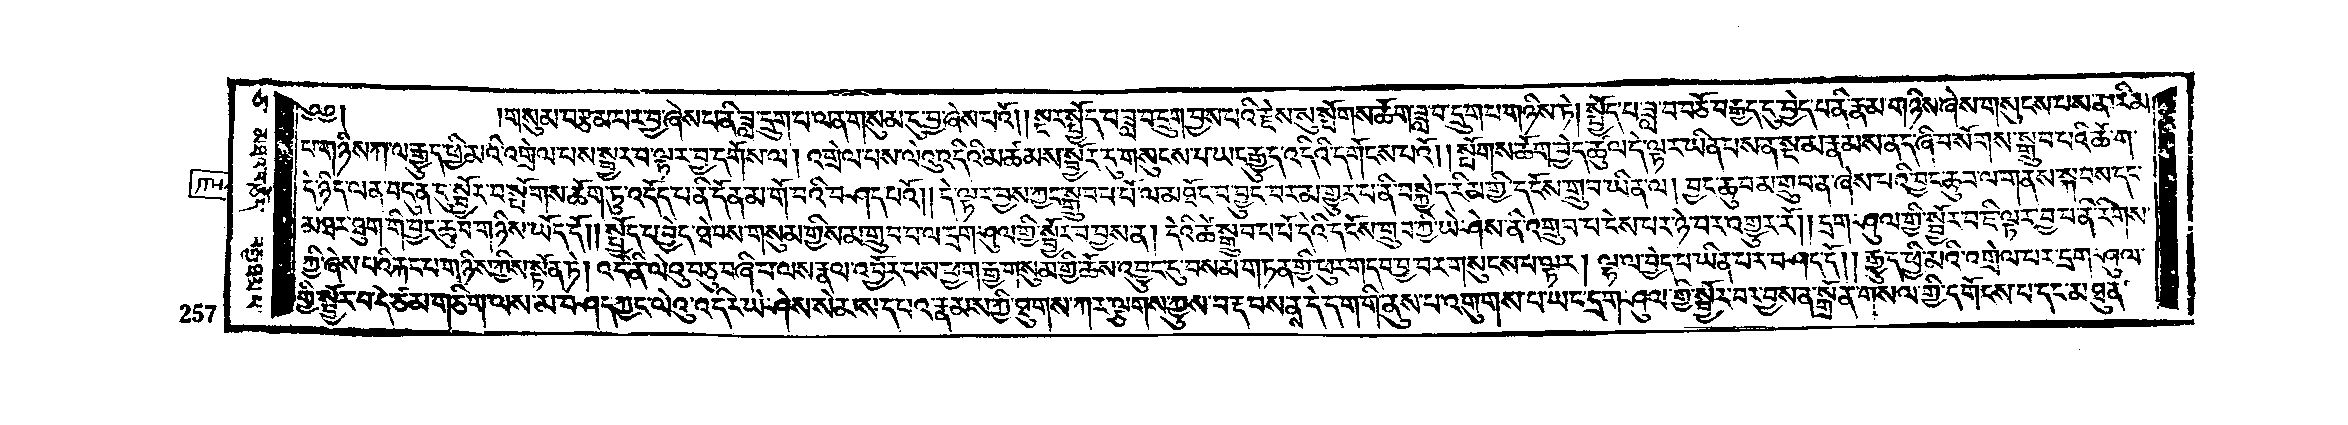༄༅། །གསུམ་བརྩམ་པར་བྱ་ཞེས་པ་ནི་ཟླ་དྲུག་པ་ལན་གསུམ་དུ་བྱ་ཞེས་པའོ། །སྔར་སྤྱོད་པ་ཟླ་བ་དྲུག་བྱས་པའི་རྗེས་སུ་སྤོགས་ཆོག་ཟླ་བ་དྲུག་པ་གཉིས་ཏེ། སྤྱོད་པ་ཟླ་བ་བཅོ་བརྒྱད་དུ་བྱེད་པ་ནི་རྣམ་གཉིས་ཞེས་གསུངས་པས་ན། རིམ་
པ་གཉིས་ཀ་ལ་རྒྱུད་ཕྱི་མའི་འགྲེལ་པས་སྦྱར་བ་ལྟར་བྱ་དགོས་ལ། འགྲེལ་པས་ལེའུ་འདིའི་མཚམས་སྦྱོར་དུ་གསུངས་པ་ཡང་རྒྱུད་འདིའི་དགོངས་པའོ། །སྤོགས་ཆོག་བྱེད་ཚུལ་དེ་ལྟར་ཡིན་པས་ན་སྔ་མ་རྣམས་ནད་ཞི་བ་སོགས་སྒྲུབ་པའི་ཆོ་ག་
དེ་ཉིད་ལན་བདུན་དུ་སྦྱོར་བ་སྤོགས་ཆོག་ཏུ་འདོད་པ་ནི་དོན་མ་གོ་བའི་བཤད་པའོ། །དེ་ལྟར་བྱས་ཀྱང་སྒྲུབ་པ་པོ་ལ་མཐོང་བ་བྱུང་བར་མ་གྱུར་པ་ནི་བསྐྱེད་རིམ་གྱི་དངོས་གྲུབ་ཡིན་ལ། བྱང་ཆུབ་མ་གྲུབ་ན་ཞེས་པའི་བྱང་ཆུབ་ལ་གནས་སྐབས་དང་མཐར་ཐུག་གི་བྱང་ཆུབ་གཉིས་ཡོད་དོ། །སྤྱོད་པ་བྱེད་ཐེབས་གསུམ་གྱིས་མ་གྲུབ་པ་ལ་དྲག་ཤུལ་གྱི་སྦྱོར་བ་བྱས་ན། དེའི་ཚེ་སྒྲུབ་པ་པོ་དེའི་དངོས་གྲུབ་ཀྱི་ཡེ་ཤེས་ནི་འགྲུབ་པ་ངེས་པར་ཉེ་བར་འགྱུར་རོ། །དྲག་ཤུལ་གྱི་སྦྱོར་བ་ཇི་ལྟར་བྱ་བ་ནི་རིགས་
ཀྱི་ཞེས་པའི་རྐང་པ་གཉིས་ཀྱིས་སྟོན་ཏེ། འདི་ནི་ལེའུ་བཅུ་བཞི་པ་ལས་རྣལ་འབྱོར་པས་ཕྱག་རྒྱ་གསུམ་གྱི་ཆོས་འབྱུང་དུ་བསམ་གཏན་གྱི་ཕུར་གདབ་བྱ་བར་གསུངས་པ་ལྟར། ལྷ་ལ་བྱེད་པ་ཡིན་པར་བཤད་དོ། །རྒྱུད་ཕྱི་མའི་འགྲེལ་པར་དྲག་ཤུལ་
གྱི་སྦྱོར་བ་དེ་ཙམ་གཅིག་ལས་མ་བཤད་ཀྱང་ལེའུ་འདིར་ཡེ་ཤེས་སེམས་དཔའ་རྣམས་ཀྱི་ཐུགས་ཀར་ལྕགས་ཀྱུས་བརྡབས་ནས་དེ་དག་གི་ནུས་པ་འགུགས་པ་ཡང་དྲག་ཤུལ་གྱི་སྦྱོར་བར་བྱས་ན་སྒྲོན་གསལ་གྱི་དགོངས་པ་དང་མཐུན་